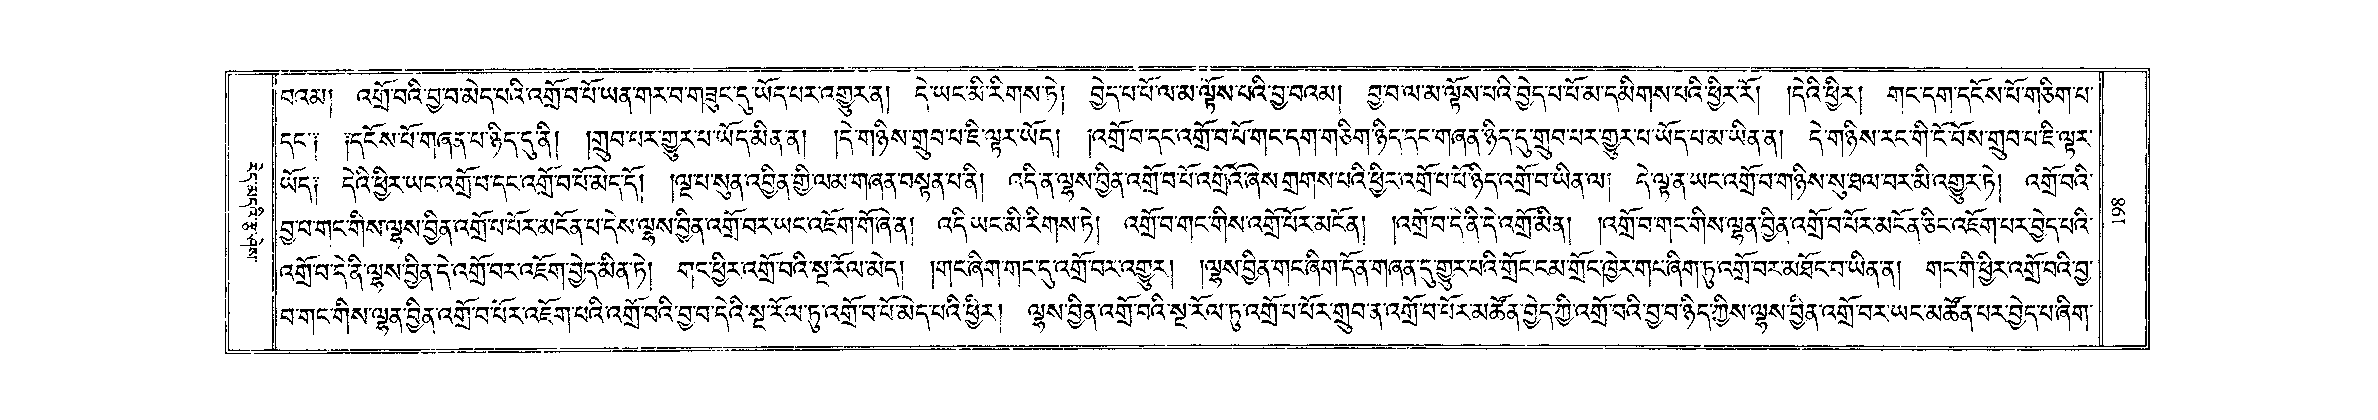བའམ། འགྲོ་བའི་བྱ་བ་མེད་པའི་འགྲོ་བ་པོ་ཡན་གར་བ་གཟུང་དུ་ཡོད་པར་འགྱུར་ན། དེ་ཡང་མི་རིགས་ཏེ། བྱེད་པ་པོ་ལ་མ་ལྟོས་པའི་བྱ་བའམ། བྱ་བ་ལ་མ་ལྟོས་པའི་བྱེད་པ་པོ་མ་དམིགས་པའི་ཕྱིར་རོ། །དེའི་ཕྱིར། གང་དག་དངོས་པོ་གཅིག་པ་
དང༑ ༑དངོས་པོ་གཞན་པ་ཉིད་དུ་ནི། །གྲུབ་པར་གྱུར་པ་ཡོད་མིན་ན། །དེ་གཉིས་གྲུབ་པ་ཇི་ལྟར་ཡོད། །འགྲོ་བ་དང་འགྲོ་བ་པོ་གང་དག་གཅིག་ཉིད་དང་གཞན་ཉིད་དུ་གྲུབ་པར་གྱུར་པ་ཡོད་པ་མ་ཡིན་ན། དེ་གཉིས་རང་གི་ངོ་བོས་གྲུབ་པ་ཇི་ལྟར་
ཡོད༑ དེའི་ཕྱིར་ཡང་འགྲོ་བ་དང་འགྲོ་བ་པོ་མེད་དོ། །ལྔ་པ་སུན་འབྱིན་གྱི་ལམ་གཞན་བསྟན་པ་ནི། འདི་ན་ལྷས་བྱིན་འགྲོ་བ་པོ་འགྲོའོ་ཞེས་གྲགས་པའི་ཕྱིར་འགྲོ་བ་པོ་ཉིད་འགྲོ་བ་ཡིན་ལ། དེ་ལྟ་ན་ཡང་འགྲོ་བ་གཉིས་སུ་ཐལ་བར་མི་འགྱུར་ཏེ། འགྲོ་བའི་
བྱ་བ་གང་གིས་ལྷས་བྱིན་འགྲོ་པ་པོར་མངོན་པ་དེས་ལྷས་བྱིན་འགྲོ་བར་ཡང་འཇོག་གོ་ཞེ་ན། འདི་ཡང་མི་རིགས་ཏེ། འགྲོ་བ་གང་གིས་འགྲོ་པོར་མངོན། །འགྲོ་བ་དེ་ནི་དེ་འགྲོ་མིན། །འགྲོ་བ་གང་གིས་ལྷན་བྱིན་འགྲོ་བ་པོར་མངོན་ཅིང་འཇོག་པར་བྱེད་པའི་
འགྲོ་བ་དེ་ནི་ལྷས་བྱིན་དེ་འགྲོ་བར་འཇོག་བྱེད་མིན་ཏེ། གང་ཕྱིར་འགྲོ་བའི་སྔ་རོལ་མེད། །གང་ཞིག་གང་དུ་འགྲོ་བར་འགྱུར། །ལྷས་བྱིན་གང་ཞིག་དོན་གཞན་དུ་གྱུར་པའི་གྲོང་ངམ་གྲོང་ཁྱེར་གང་ཞིག་ཏུ་འགྲོ་བར་མཐོང་བ་ཡིན་ན། གང་གི་ཕྱིར་འགྲོ་བའི་བྱ་
བ་གང་གིས་ལྷན་བྱིན་འགྲོ་བ་པོར་འཇོག་པའི་འགྲོ་བའི་བྱ་བ་དེའི་སྔ་རོལ་ཏུ་འགྲོ་བ་པོ་མེད་པའི་ཕྱིར། ལྷས་བྱིན་འགྲོ་བའི་སྔ་རོལ་ཏུ་འགྲོ་བ་པོར་གྲུབ་ན་འགྲོ་བ་པོར་མཚོན་བྱེད་ཀྱི་འགྲོ་བའི་བྱ་བ་ཉིད་ཀྱིས་ལྷས་བྱིན་འགྲོ་བར་ཡང་མཚོན་པར་བྱེད་པ་ཞིག་